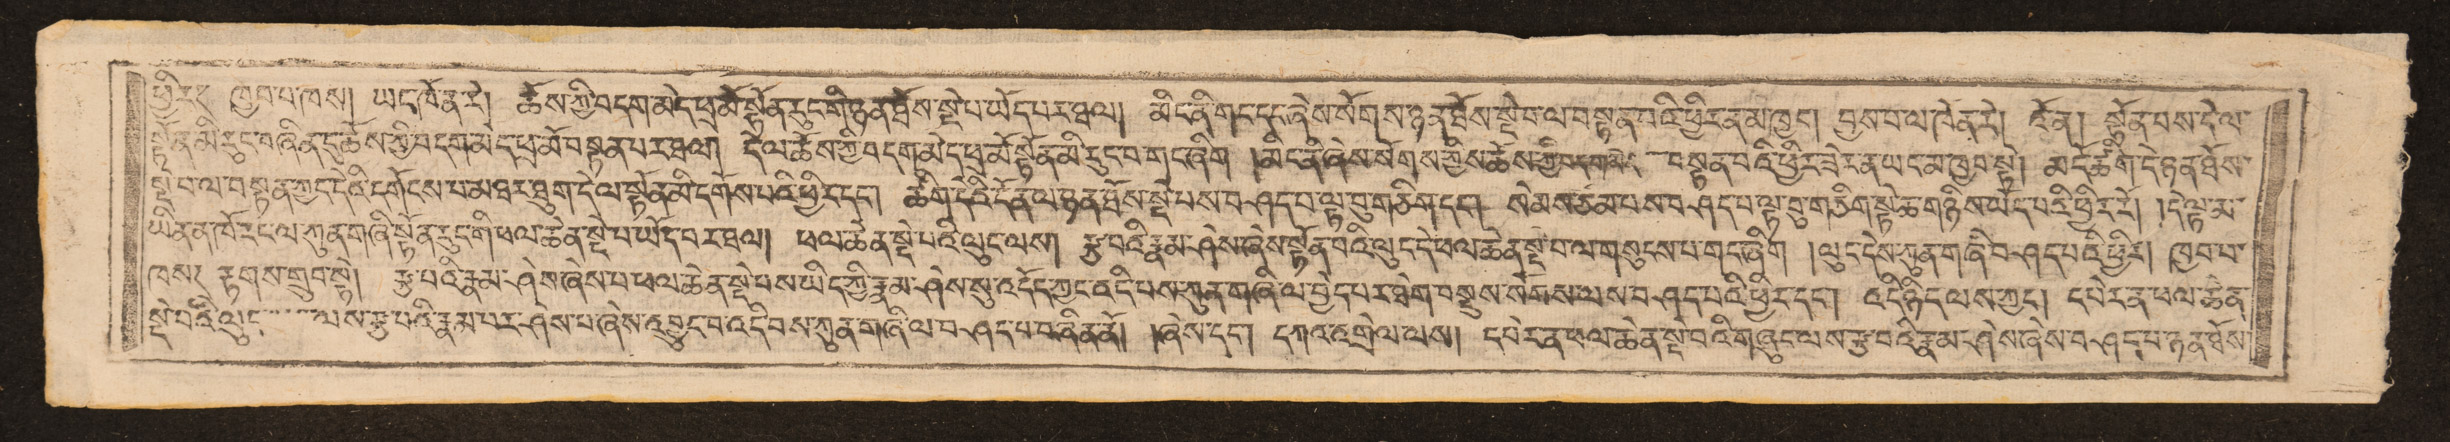ཕྱིར༑ ཁྱབ་པ་ཁས། ཡང་ཁོ་ན་རེ། ཆོས་ཀྱི་བདག་མེད་ཕྲ་མོ་སྟོན་རུང་གི་ཉན་ཐོས་སྡེ་པ་ཡོད་པར་ཐལ། མིང་ནི་གང་དང་ཞེས་སོགས་ཉན་ཐོས་སྡེ་བ་ལ་བསྟན་པའི་ཕྱིར་ན་མ་ཁྱབ། བྱས་པ་ལ་ཁོ་ན་རེ། འོ་ན། སྟོན་པས་དེ་ལ་
སྟོན་མི་རུང་བཞིན་དུ་ཆོས་ཀྱི་བདག་མེད་ཕྲ་མོ་བསྟན་པར་ཐལ། དེ་ལ་ཆོས་ཀྱི་བདག་མེད་ཕྲ་མོ་སྟོན་མི་རུང་བ་གང་ཞིག །མིང་ནི་ཞེས་སོགས་ཀྱིས་ཆོས་ཀྱི་བདག་མེད་བསྟན་པའི་ཕྱིར་ཟེར་ན་ཡང་མ་ཁྱབ་སྟེ། མདོ་ཚིག་དེ་ཉན་ཐོས་
སྡེ་པ་ལ་བསྟན་ཀྱང་དེའི་དགོངས་པ་མཐར་ཐུག་དེ་ལ་སྟོན་མི་དགོས་པའི་ཕྱིར་དང་། ཚིག་དེའི་དོན་ལ་ཉན་ཐོས་སྣེ་བས་བཤད་པ་ལྟ་བུ་གཅིག་དང་། སེམས་ཙམ་པས་བཤད་པ་ལྟ་བུ་གཅིག་སྟེ་ཆ་གཉིས་ཡོད་པའི་ཕྱིར་རོ། །དེ་ལྟ་མ་
ཡིན་ན་ཁོ་རང་ལ་ཀུན་གཞི་སྟོན་རུང་གི་ཕལ་ཆེན་སྡེ་པ་ཡོད་པར་ཐལ། ཕལ་ཆེན་སྡེ་བའི་ལུང་ལས། རྩ་བའི་རྣམ་ཤེས་ཞེས་སྟོན་པའི་ལུང་དེ་ཕལ་ཆེན་སྡེ་པ་ལ་གསུངས་པ་གང་ཞིག །ལུང་དེས་ཀུན་གཞི་བཤད་པའི་ཕྱིར། ཁྱབ་པ་
ཁས༑ རྟགས་གྲུབ་སྟེ། རྩ་བའི་རྣམ་ཤེས་ཞེས་པ་ཕལ་ཆེན་སྡེ་པས་ཡིད་ཀྱི་རྣམ་ཤེས་སུ་འདོད་ཀྱང་འདི་པས་ཀུན་གཞི་ལ་བྱེད་པར་ཐེག་བསྡུས་སོགས་ལས་བཤད་པའི་ཕྱིར་དང་། འདི་ཉིད་ལས་ཀྱང་། དཔེར་ན་ཕལ་ཆེན་
སྡེ་པའི་ལུང་ལས་རྩ་བའི་རྣམ་པར་ཤེས་པ་ཞེས་འབྱུང་བ་འདི་བས་ཀུན་གཞི་ལ་བཤད་པ་བཞིན་ནོ། །ཞེས་དང་། དཀའ་འགྲེལ་ལས། དཔེར་ན་ཕལ་ཆེན་སྡེ་པའི་གཞུང་ལས་རྩ་བའི་རྣམ་ཤེས་ཞེས་བཤད་པ་ཉན་ཐོས་